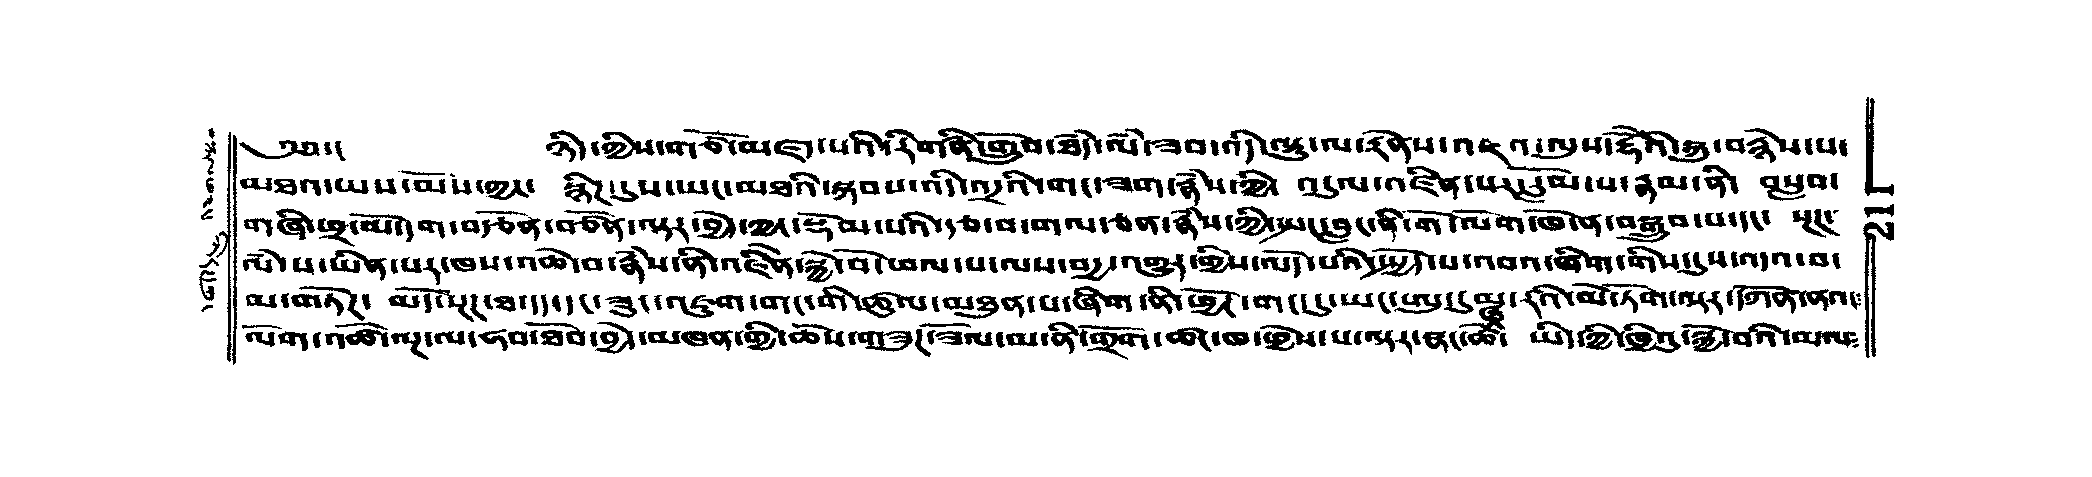ཉིད་ཀྱིས་གཙོ་མཛད་པའི་རིག་འཛིན་གྲུབ་ཐོབ་ཐམས་ཅད་ལམ་ཟབ་འདི་ལྟར་བུ་ལ་བརྟེན་ནས་འཇའ་ལུས་རྡོ་རྗེའི་སྐུ་བརྙེས་པ་
མཐའ་ཡས་མོད་ཀྱང་། སྙིགས་དུས་ཡང་མཐའི་སྐབས་འདི་འདྲའི་གང་ཟག་རྣམས་ཀྱི། འདུལ་འཛིན་པར་རློམ་པ་རྣམས་ནི། བསླབ་
གཞི་ཕྲ་མོ་དག་བརྩོན་བཙོན་ལྟར་བྱེད་ཀྱང་སྡོམ་པའི་རྩ་བ་གལ་ཅན་རྣམས་ཀྱི་སྤང་བླང་ནི་གོ་ལོག་ཁོ་ན་བསྒྲུབ་པ་དང་། སྔགས་
ལམ་པ་ཡིན་པར་ཁས་འཆེ་བ་རྣམས་ནི་འཇིག་རྟེན་སྐྱེ་བོ་ཕལ་པ་ལས་བརྒྱ་འགྱུར་གྱིས་ལོད་པའི་སྤྱོད་པ་འབའ་ཞིག་གིས་དུས་འདའ་བ་
མ་གཏོགས། མདོ་སྔགས་ཐ་དད་དང་ཟུང་འཇུག་གང་གི་ཚུལ་མཐུན་པ་ཞིག་ནི་ཕྱོགས་གང་དུ་ཡང་ཨུ་དུམ་ཝཱ་རའི་མེ་ཏོག་ལྟར་དཀོན་ནའང་
ལོག་འཚོ་ལྔ་ལ་ཧབ་ཐོབ་བྱེད་མཁན་གྱི་ཆོས་གཟུགས་ཟོལ་མ་ནི་གྲོག་ཚང་ཁ་ཕྱེས་པ་ལྟར་སྣང་ཚེ། ཡིད་ཀྱི་ཁྱེའུ་སྐྱོ་བའི་མལ་